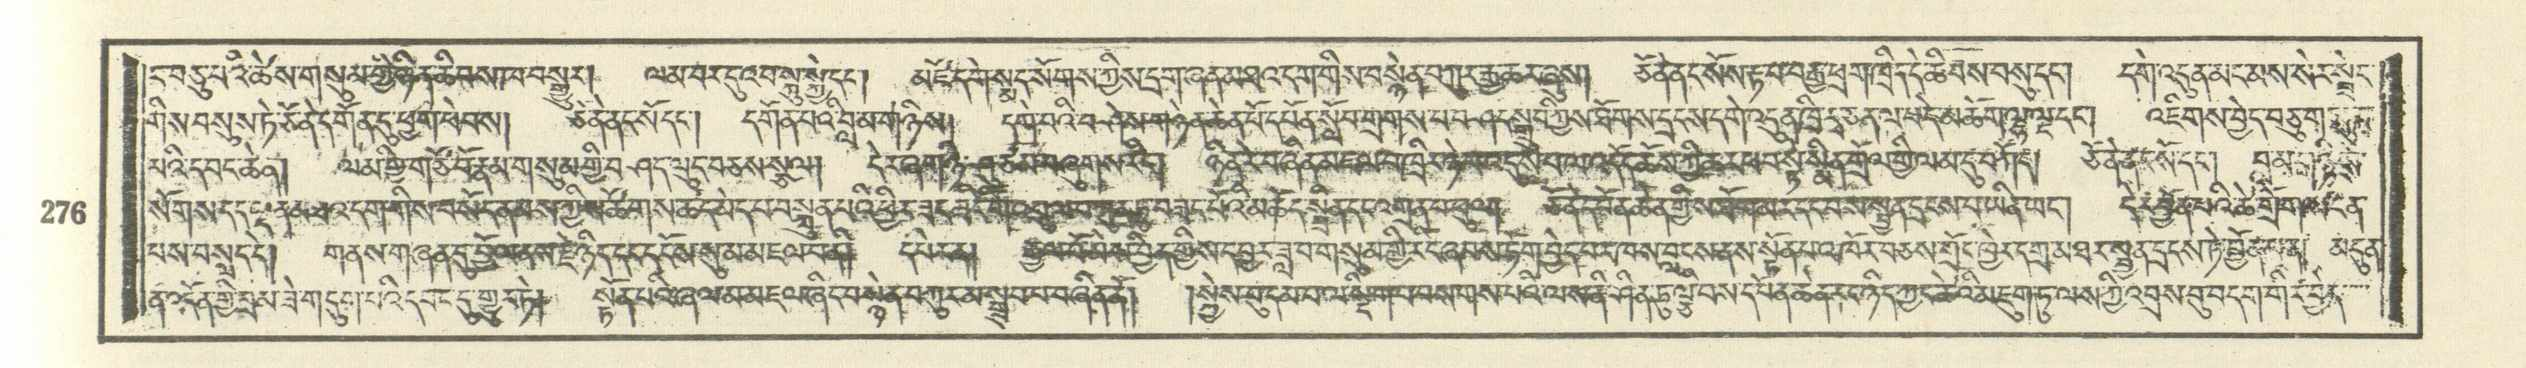ང་བཅུ་པའི་ཚེས་གསུམ་གྱི་ཉིན་ཆིབས་ཁ་བསྒྱུར། ལམ་བར་དུའབ་སྐུ་སྐྱེ་དང་། མཛོ་དགེ་སྨད་སོགས་ཀྱིས་དྲག་ཞན་མཐའ་དག་གིས་བསྙེན་བཀུར་རྒྱ་ཆེར་ཞུས། ཅོ་ནེ་ནང་སོས་རྟ་པ་བརྒྱ་ཕྲག་ཁྲིད་དེ་ཆིབས་བསུ་དང་། དགེ་འདུན་མང་མས་སེར་སྦྲེང་
གིས་བསུས་ཏེ་ཅོ་ནེ་དགོན་དུ་ཕྱག་ཕེབས། ཅོ་ནེ་ནང་སོ་དང་། དགོན་པའི་བླ་མ་གཉིས། དགེ་བའི་བཤེས་གཉེན་ཆེན་པོ་དཔོན་སློབ་གྲགས་པ་བཤད་སྒྲུབ་ཀྱིས་ཐོགས་དྲངས་དགེ་འདུན་ཁྲི་རྭ་ཅན་ལ་བདེ་མཆོག་ལྷ་ལྔ་དང་། འཇིགས་བྱེད་བཅུ་གསུམ་
མའི་དབང་ཆེན། ལམ་གྱི་གཙོ་བོ་རྣམ་གསུམ་གྱི་བཤད་ལུང་བཅས་སྩལ། དེར་ཞག་ཉི་ཤུ་ཙམ་བཞུགས་རིང་། ཉིན་རེ་བཞིན་མཇལ་བ་ཁྲིར་ཉེ་བ་འདུས་པ་ལ་འདོད་ཆོས་ཀྱི་ཆར་ཕབ་སྟེ་སྨིན་གྲོལ་གྱི་ལམ་དུ་བཀོད། ཅོ་ནེ་ནང་སོ་དང་། བླ་མ་གཉིས་
སོགས་དང་ལྡན་མཐའ་དག་གིས་བསོད་ནམས་ཀྱིས་ཚོགས་ཚད་མེད་པ་བསྐྲུན་པའི་ཕྱིར་ཟང་ཟིང་གི་འབུལ་བ་ཀུན་ཏུ་བཟང་པོའི་མཆོད་སྤྲིན་དང་འགྲན་པ་ཕུལ། ཅོ་ནེ་དཔོན་ཆེན་གྱིས་ཐོག་མར་དང་པས་སྤྱན་དྲངས་པ་ཡིན་ཡང་། དེར་བྱོན་པའི་ཚེ་གྲོགས་ངན་
པས་བསླད་དེ། གནས་གཞན་དུ་བྱོལ་ནས་རྗེ་ཉིད་དང་དངོས་སུ་མ་མཇལ་བ་ནི། དཔེར་ན། རྒྱལ་པོ་མེས་བྱིན་གྱིས་དབྱར་ཟླ་བ་གསུམ་གྱི་རིང་ཞབས་ཏོག་བྱེད་པར་ཁས་བླངས་ནས་སྟོན་པ་འཁོར་བཅས་གྲོང་ཁྱེར་དགྲ་མཐར་སྤྱན་དྲངས་ཏེ་བྱོན་པ་ན། མདུན་
ན་འདོན་གྱི་བྲམ་ཟེ་གདུག་པའི་དབང་དུ་གྱུར་ཏེ། སྟོན་པའི་ཞལ་མ་མཇལ་ཞིང་བསྙེན་བཀུར་མ་སྒྲུབ་པ་བཞིན་ནོ། །སྐྱེས་བུ་དམ་པ་ལ་སྡིག་པ་བསགས་པའི་ལས་ནི་ཤིན་ཏུ་ལྕིབས་དཔོན་ཆེན་རང་ཉིད་ཀྱང་ཚེའི་མཇུག་ཏུ་ལས་ཀྱི་འབྲས་བུ་བདག་གིར་བྱེད་